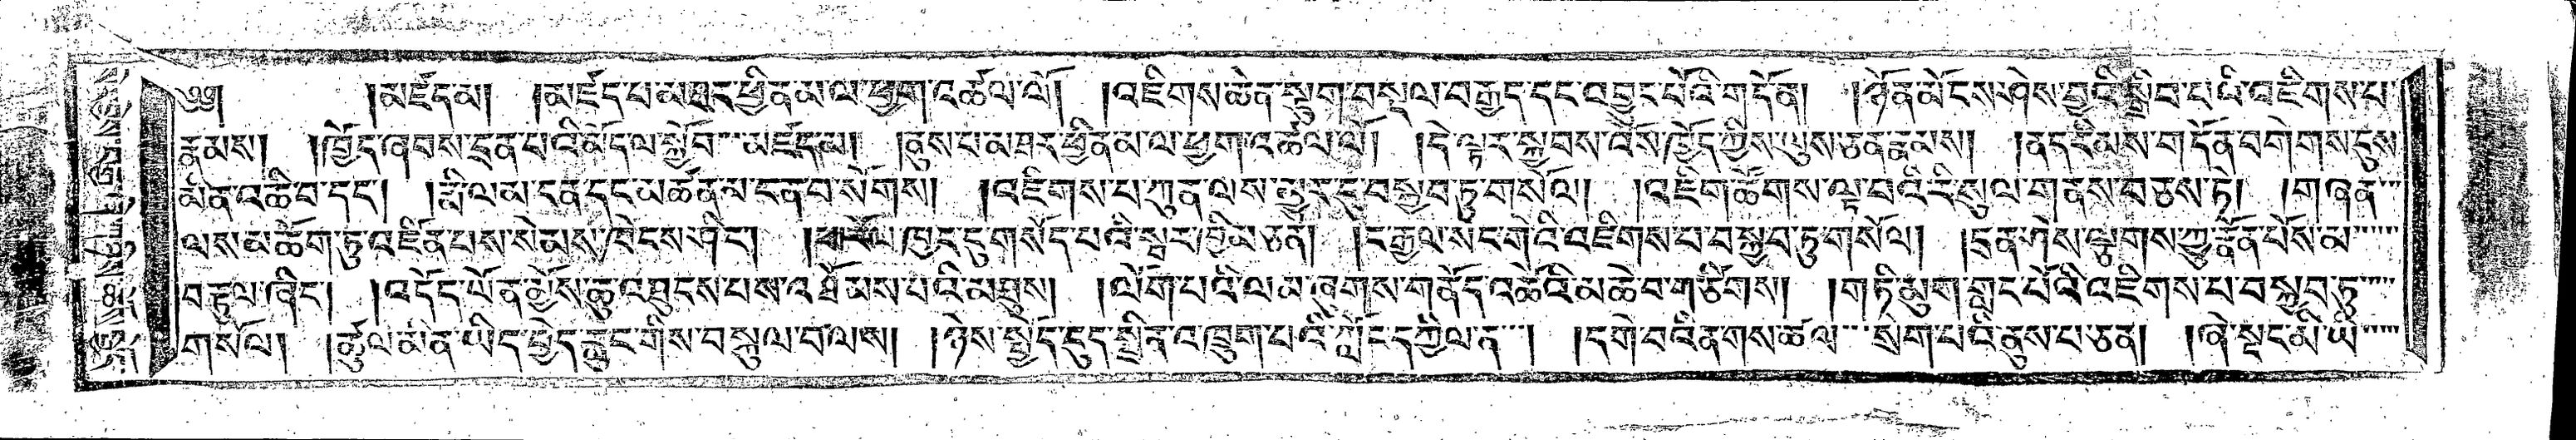༄༅། །མཛད་མ། །མཛད་པ་མཐར་ཕྱིན་མ་ལ་ཕྱག་འཚལ་ལོ། །འཇིགས་ཆེན་སྡུག་བསྔལ་བརྒྱད་དང་འབྱུང་པོའི་གདོན། །ཉོན་མོངས་ཤེས་བྱའི་སྒྲིབ་པའི་འཇིགས་པ་
རྣམས། །ཁྱོད་ཞབས་དྲན་པའི་མོད་ལ་སྐྱོབ་མཛད་མ། །ནུས་པ་མཐར་ཕྱིན་མ་ལ་ཕྱག་འཚལ་ལོ། །དེ་ལྟར་སྐྱབས་འོས་ཁྱོད་ཀྱིས་ཡུས་ཅན་རྣམས། །ནད་རིམས་གདོན་བགེགས་དུས་
མིན་འཆི་བ་དང་། །རྨི་ལམ་ངན་དང་མཚན་མ་ངན་པ་སོགས། །འཇིགས་པ་ཀུན་ལས་མྱུར་དུ་བསྐྱབ་ཏུ་གསོལ། །འཇིག་ཚོགས་ལྟ་བའི་རི་སུལ་གནས་བཅས་ཏེ། །གཞན་
ལས་མཆོག་ཏུ་འཛིན་པས་སེམས་ཁེངས་ཤིང་། །ཕ་རོལ་ཁྱད་དུ་གསོད་པའི་སྦར་ཁྱིམ་ཅན། །ང་རྒྱལ་སེང་གེའི་འཇིགས་པ་བསྐྱབ་ཏུ་གསོལ། །དྲན་ཤེས་ལྕགས་ཀྱུ་རྣོན་པོས་མ་
བརྟུལ་ཞིང་། །འདོད་ཡོན་མྱོས་ཆུ་འཐུངས་པས་འཐོམས་པའི་མཐུས། །ལོག་པའི་ལམ་ཞུགས་གནོད་འཚེའི་མཆེ་བ་གཙིགས། །གཏི་མུག་གླང་པོའི་འཇིགས་པ་བསྐྱབ་ཏུ་
གསོལ། །ཚུལ་མིན་ཡིད་བྱེད་རླུང་གིས་བསྐུལ་བ་ལས། །ཉེས་སྤྱོད་དུད་སྤྲིན་འཁྲུག་པའི་ཀློང་དཀྱིལ་ན། །དགེ་བའི་ནགས་ཚལ་སྲེག་པའི་ནུས་པ་ཅན། །ཞེ་སྡང་མི་ཡི་